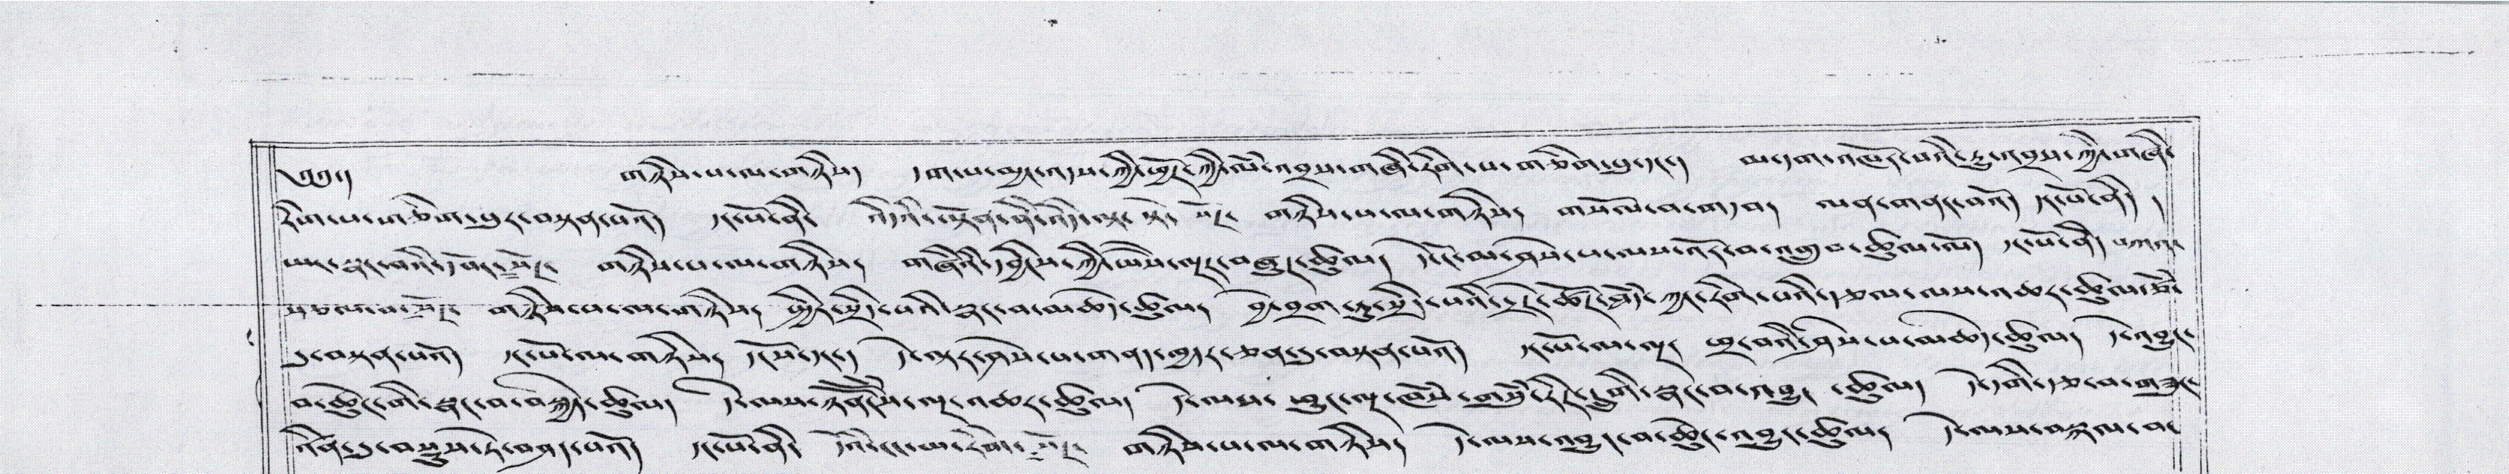གཉིས་པ་ལ་གཉིས། དག་པ་མྱང་འདས་ཀྱི་ཕྱོགས་ཀྱི་ལམ་འབྲས་གཞི་རིག་པ་གཅིག་པུ་དང། མ་དག་འཁོར་བའི་རྒྱུ་འབྲས་ཀྱི་གཞི་
རིག་པ་གཅིག་པུར་བསྟན་པའོ། དང་པོ་ནི། འདིའི་ཡོན་ཏན་ནི་འདི་ལྟ་སྟེ་སོགས། གཉིས་པ་ལ་གཉིས། གསོལ་བ་གདབ། ལན་གནང་བའོ། དང་པོ་ནི། 
ཡང་སྣང་བའི་དབང་པོ་་་སོགས། གཉིས་པ་ལ་གཉིས། གཞིའི་དབྱིངས་ཀྱི་ཡེ་ཤེས་ལྔར་བཞུགས་ཚུལ། དེ་ངོ་མ་ཤེས་པ་ལས་འཁོར་བ་འགྲུབ་ཚུལ་ལོ། དང་པོ་ནི། བཀའ་
སྩལ་བ་་་སོགས། གཉིས་པ་ལ་གཉིས། སྤྱིར་སྲིད་པའི་སྣང་བ་མཆེད་ཚུལ། བྱེ་བྲག་ཏུ་སྲིད་པའི་དྲེགས་ཚོགས་ཐམས་ཅད་ཀྱང་རིག་པའི་རྩལ་ལས་འཆར་ཚུལ་ཙམ་
དུ་བསྟན་པའོ། དང་པོ་ལ་གཉིས། དངོས་དང། དེ་ལྟར་ཤེས་པ་གནད་ཁྱད་པར་ཅན་དུ་བསྟན་པའོ། དང་པོ་ལ་ལྔ། ཕྲ་བའི་ཤེས་པ་མཆེད་ཚུལ། དེ་འབྱུང་
བ་ཆེ་ཆུང་གི་སྣང་བ་བསྐྱེད་ཚུལ། དེ་ལས་ཉོན་མོངས་ལྔ་འཆར་ཚུལ། དེ་ལས་ཕུང་ལྔ་ཁམས་གསུམ་རིགས་དྲུག་གི་སྣང་བ་འབྱུང་ཚུལ། དེ་དག་གི་རྩ་བ་གཟུགས་
འཛིན་དུ་བསྡུས་ཏེ་བཤད་པའོ། དང་པོ་ནི། དེའི་ངང་མ་རིག་་་སོགས། གཉིས་པ་ལ་གཉིས། དེ་ལས་འབྱུང་བ་ཆེ་ཆུང་འབྱུང་ཚུལ། དེ་ལས་བསྐལ་བ་